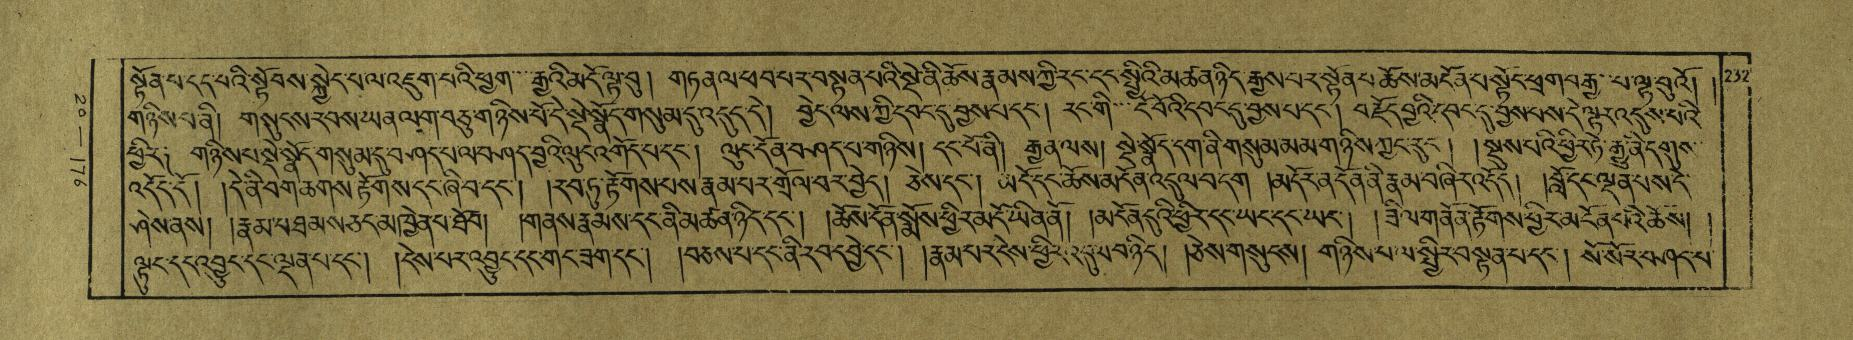སྟོན་པ་དང་པའི་སྟོབས་སྐྱེད་པ་ལ་འཇུག་པའི་ཕྱག་རྒྱའི་མདོ་ལྟ་བུ། གཏན་ལ་ཕབ་པར་བསྟན་པའི་སྡེ་ནི་ཆོས་རྣམས་ཀྱི་རང་དང་སྤྱིའི་མཚན་ཉིད་རྒྱས་པར་སྟོན་པ་ཆོས་མངོན་པ་སྟོང་ཕྲག་བརྒྱ་པ་ལྟ་བུའོ། །
གཉིས་པ་ནི། གསུངས་རབས་ཡན་ལག་བཅུ་གཉིས་པོ་དེ་སྡེ་སྣོད་གསུམ་དུ་འདུད་དེ། བྱེད་ལས་ཀྱི་དབང་དུ་བྱས་པ་དང་། རང་གི་ངོ་བོའི་དབང་དུ་བྱས་པ་དང་། བརྗོད་བྱའི་དབང་དུ་བྱས་པས་དེ་ལྟར་འདུས་པའི་
ཕྱིར༑ གཉིས་པ་སྡེ་སྣོད་གསུམ་དུ་བཤད་པ་ལ་བཤད་བྱའི་ལུང་འགོད་པ་དང་། ལུང་དོན་བཤད་པ་གཉིས། དང་པོ་ནི། རྒྱན་ལས། སྡེ་སྣོད་དག་ནི་གསུམ་མམ་གཉིས་ཀྱང་རུང་། །སྡུས་པའི་ཕྱིར་ཏེ་རྒྱུ་ནི་དགུས་
འདོད་དོ། །དེ་ནི་བག་ཆགས་རྟོགས་དང་ཞིབ་དང་། །རབ་ཏུ་རྟོགས་པས་རྣམ་པར་གྲོལ་བར་བྱེད། ཅེས་དང་། མདོ་དང་ཆོས་མངོན་འདུལ་བ་དག །མདོར་ན་དོན་ནི་རྣམ་བཞིར་འདོད། །བློ་དང་ལྡན་པས་དེ་
ཤེས་ནས། །རྣམས་ཐམས་ཅད་མཁྱེན་པ་ཐོབ། །གནས་རྣམས་དང་ནི་མཚན་ཉིད་དང་། །ཆོས་དོན་སྨོས་ཕྱིར་མདོ་ཡིན་ནོ། །མངོན་དུའི་ཕྱིར་དང་ཡང་དང་ཡང་། །ཟིལ་གནོན་རྟོགས་ཕྱིར་མངོན་པའི་ཆོས། །
ལྟུང་དང་འབྱུང་དང་ལྡན་པ་དང་། །ངེས་པར་འབྱུང་དང་གང་ཟག་དང་། །བཅས་པ་དང་ནི་རབ་དབྱེ་དང་། །རྣམ་པར་ངེས་ཕྱིར་འདུལ་བ་ཉིད། །ཅེས་གསུངས། གཉིས་པ་ལ་སྦྱིར་བསྟན་པ་དང་། སོ་སོར་བཤད་པ་